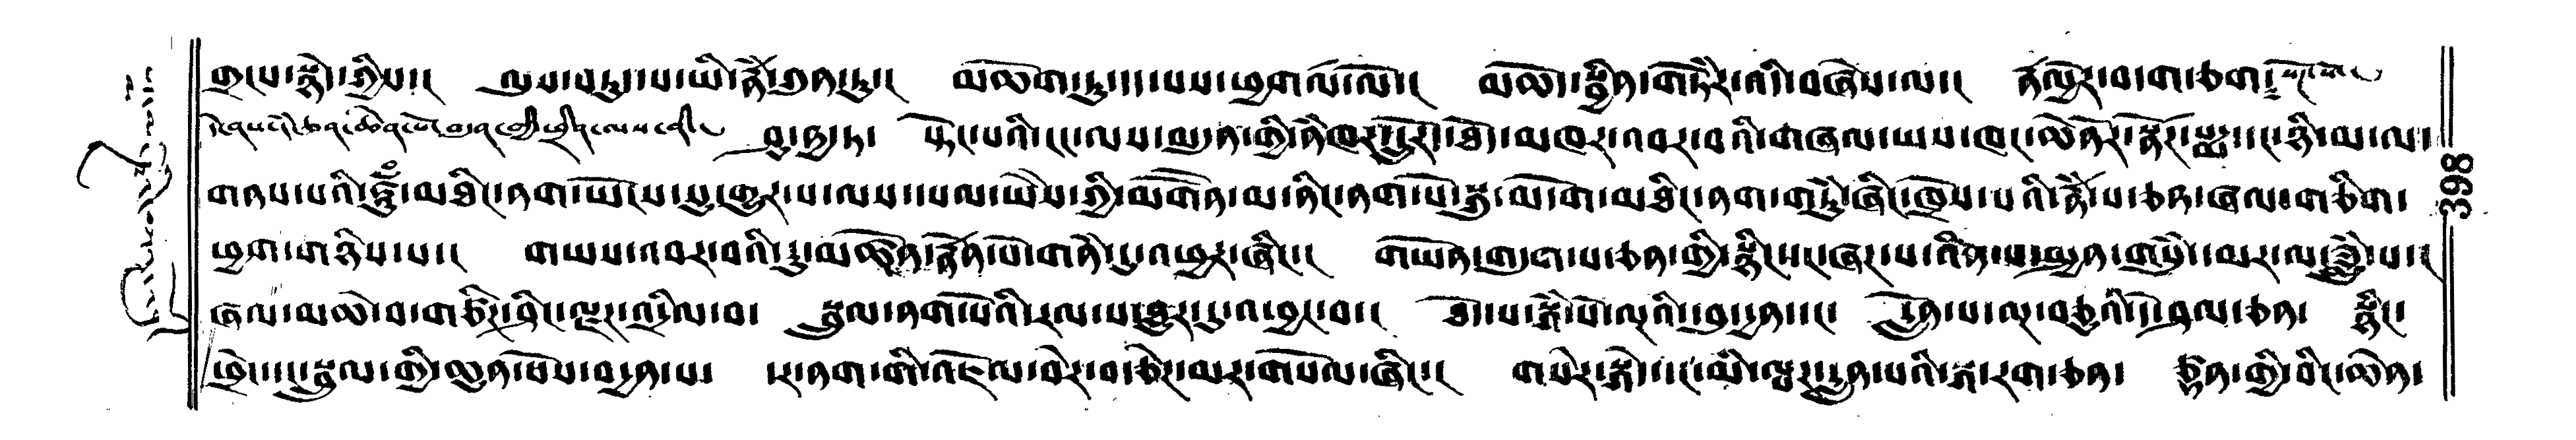གྲངས་སྙེད་ཀྱིས། །ལུས་བཏུད་པ་ཡི་རྣམ་ཀུན་ཏུ། །མཆོག་ཏུ་དད་པས་ཕྱག་འཚལ་ལོ། །མཆོད་སྦྱིན་གཏོར་མ་འདི་བཞེས་ལ། རྣལ་འབྱོར་བདག་ཅག༴ སོགས་སོ། 
དེ་ནས་དམ་ཅན་ཆེན་པོ་བདུན་གྱི་ཕྲིན་ལས་ནི། ཤུ་ནྱ་ཏ་སོགས། སྟོང་པའི་ངང་ལས་མདུན་གྱི་ནམ་མཁར་དུར་ཁྲོད་ཐོད་མཁར་འབར་བའི་གཞལ་ཡས་ཁང་ཆེན་པོར་སྣ་ཚོགས་པདྨ་དང་ཉི་མ་ལ་
གནས་པའི་ཧཱུྂ་མཐིང་ནག་ཡོངས་སུ་གྱུར་པ་ལས་དཔལ་ཡེ་ཤེས་ཀྱི་མགོན་པོ་མ་ནིང་ནག་པོ་སྐུ་མདོག་མཐིང་ནག་གཏུམ་ཞིང་ཁྲོས་པའི་རྣམ་པ་ཅན་ཞལ་གཅིག་
ཕྱག་གཉིས་པ། གཡས་འབར་བའི་རུ་མཚོན་རྣོན་པོ་གནམ་དུ་འཕྱར་ཞིང་། གཡོན་གདུག་པ་ཅན་གྱི་སྙིང་དང་ཞགས་པ་འཛིན་པ་སྤྱན་གསུམ་དམར་ལ་ཟླུམ་པ།
ཞལ་མཆེ་བ་གཙིགས་ཤིང་ལྗགས་འདྲིལ་བ། སྦྲུལ་ནག་པོའི་རལ་པ་ཐུར་དུ་འཕྱང་བ། ཐོད་པ་སྐམ་པོ་ལྔའི་དབུ་རྒྱན་དང་། རློན་པ་ལྔ་བཅུའི་དོ་ཤལ་ཅན། སྙིང་
ཕྲེང་དང་སྦྲུལ་གྱི་ཆུན་པོས་བརྒྱན་པ། དར་ནག་གི་འཇོལ་བེར་བརྩེགས་མར་གསོལ་ཞིང་། གསེར་སྐེད་དང་མི་ལྤགས་རློན་པའི་སྐ་རགས་ཅན། ཙནྡན་གྱི་བིང་ཆེན་